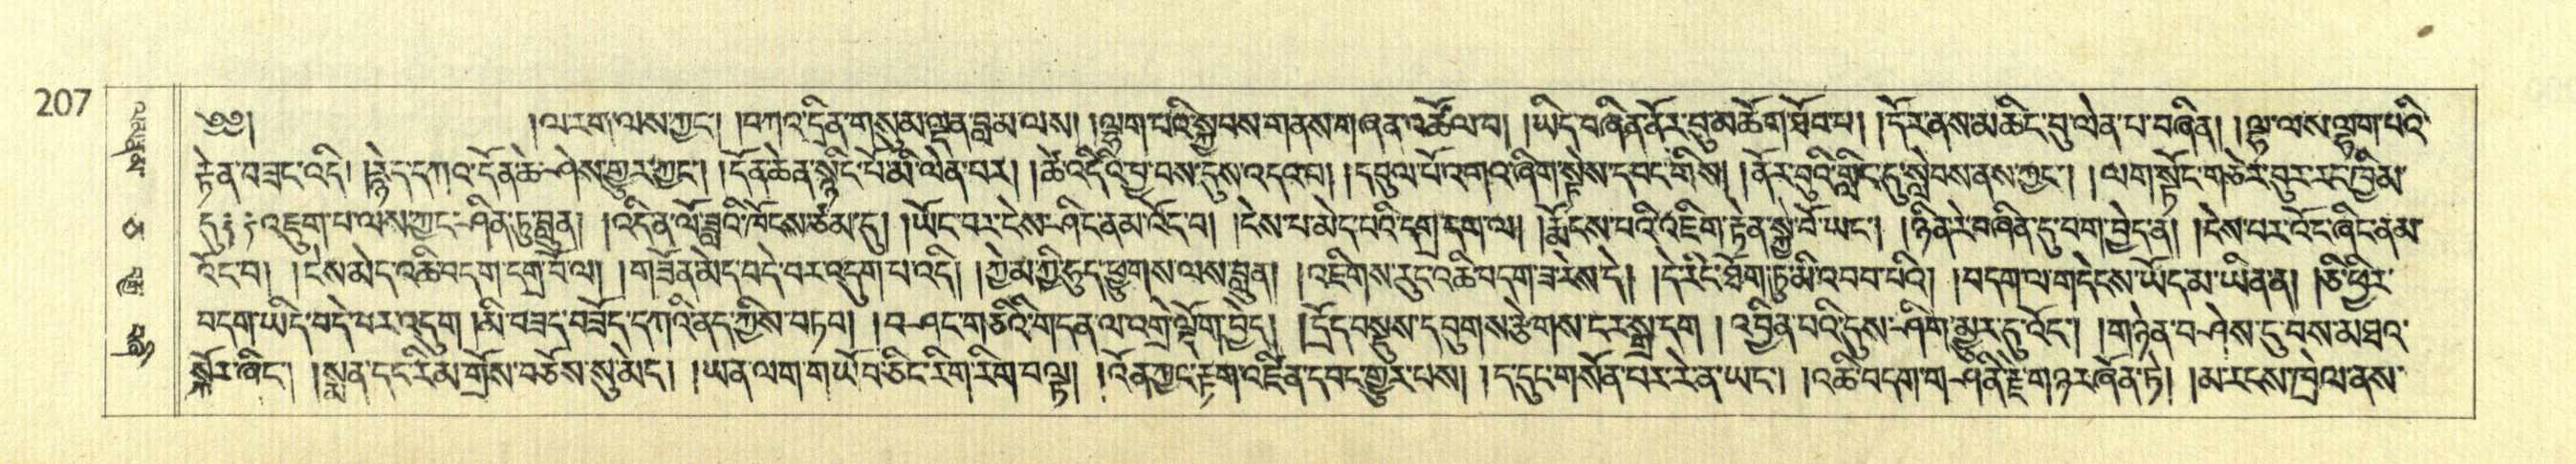༄༅། །ལ་རག་ལས་ཀྱང་། །བཀའ་དྲིན་གསུམ་ལྡན་བླ་མ་ལས། །ལྷག་བའི་སྐྱབས་གནས་གཞན་འཚོལ་བ། །ཡིད་བཞིན་ནོར་བུ་མཆོག་ཐོབ་པ། །དོར་ནས་མཆིང་བུ་ལེན་པ་བཞིན། །ལྷ་ལས་ལྷག་པའི་
རྟེན་བཟང་འདི། །རྙེད་དཀའ་དོན་ཆེ་ཤེས་གྱུར་ཀྱང་། །དོན་ཆེན་སྙིང་པོ་མི་ལེན་པར། །ཚེ་འདིའི་བྱ་བས་དུས་འདའ་བ། །དབུལ་པོ་འགའ་ཞིག་སྟེས་དབང་གིས། །ནོར་བུའི་གླིང་དུ་སླེབས་ནས་ཀྱང་། །ལག་སྟོང་གཅེར་བུར་རང་ཁྱིམ་
དུ༑ ༑འཇུག་པ་ལས་ཀྱང་ཤིན་ཏུ་བླུན། །འདི་ན་ལོ་ཟླའི་ཁོངས་ཙམ་དུ། །ཡོང་པར་ངེས་ཤིང་ནམ་འོང་བ། །ངེས་པ་མེད་པའི་དགྲ་དག་ལ། །རྨོངས་པའི་འཇིག་རྟེན་སྐྱེ་བོ་ཡང་། །ཉིན་རེ་བཞིན་དུ་བག་བྱེད་ན། །ངེས་པར་འོང་ཞིང་ནམ་
འོང་བ། །ངེས་མེད་འཆི་བདག་དགྲ་བོ་ལ། །གཟོན་མེད་བདེ་བར་འདུག་པ་འདི། །ཀྱེ་མ་ཀྱི་ཧུད་ཕྱུགས་ལས་བླུན། །འཇིགས་རུང་འཆི་བདག་ཟ་རེས་དེ། །དེ་རིང་ཐོག་ཏུ་མི་འབབ་པའི། །བདག་ལ་གདེངས་ཡོད་མ་ཡིན་ན། །ཅི་ཕྱིར་
བདག་ཡིད་བདེ་བར་འདུག །མི་བཟད་བཟོད་དཀའི་ནད་ཀྱིས་བཏབ། །བཤད་གཅིའི་གདན་ལ་འགྲེ་ལྡོག་བྱེད། །དྲོད་བསྡུས་དབུགས་རྩེགས་དར་སྒྲ་དག །འབྱིན་བའི་དུས་ཤིག་མྱུར་དུ་འོང་། །གཉེན་བཤེས་དུ་བས་མཐའ་
སྐོར་ཞིང་། །སྨན་དང་རིམ་གྲོས་བཅོས་སུ་མེད། །ཡན་ལག་གཡོབ་ཅིང་རིག་རིག་བལྟ། །འོན་ཀྱང་རྟག་འཛིན་དབང་གྱུར་པས། །ད་དུང་གསོན་པར་རེ་ན་ཡང་། །འཆི་བདག་གཤིན་རྗེ་གཉན་ཞོན་ཏེ། །མར་རངས་ཁྲེལ་ནས་